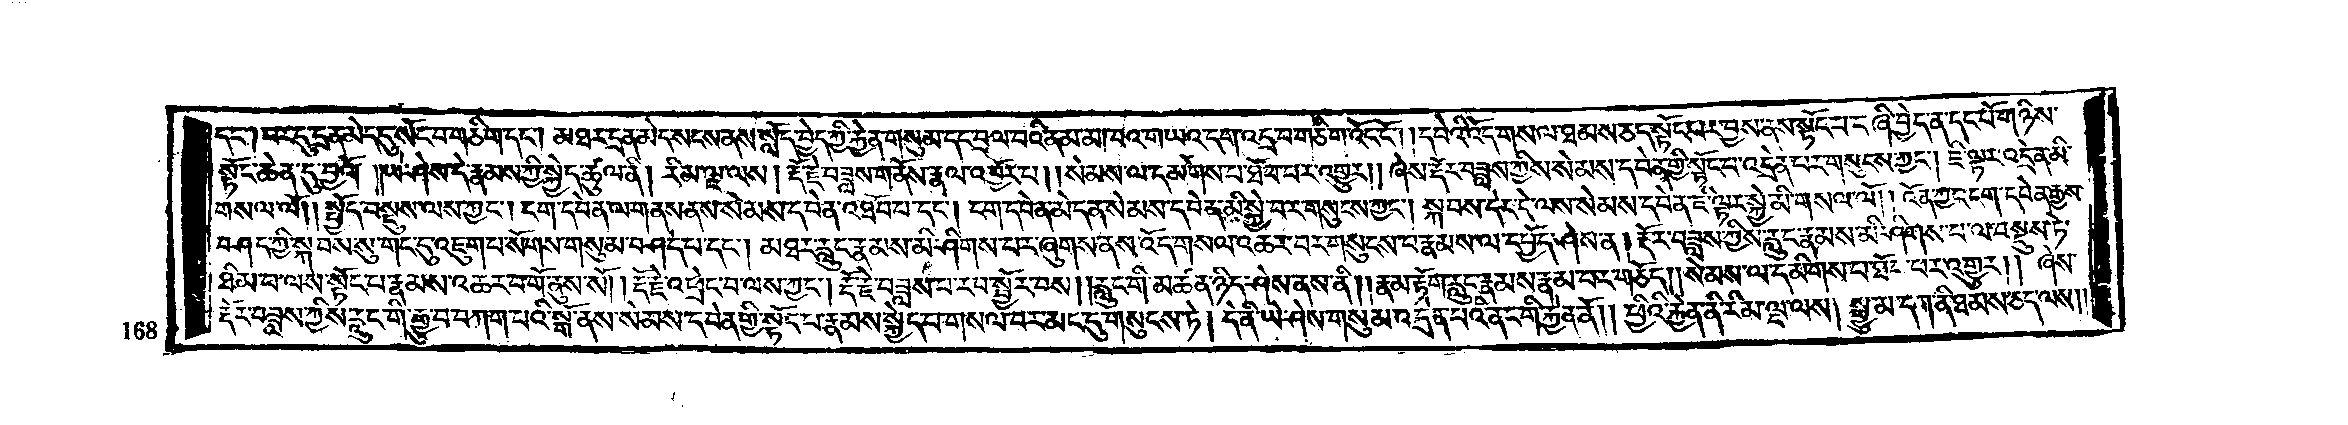དང་། བར་དུ་དྲན་མེད་དུ་སོང་བ་གཅིག་དང་། མཐར་དྲན་མེད་སངས་ནས་སློད་བྱེད་ཀྱི་རྐྱེན་གསུམ་དང་བྲལ་བའི་ནམ་མཁའ་གཡའ་དག་འདྲ་བ་གཅིག་འོང་ངོ། །དཔེའི་འོད་གསལ་ཐམས་ཅད་སྟོང་པར་བྱས་ནས་སྟོང་པ་བཞི་བྱེད་ན་དང་པོ་གཉིས་
སྟོང་ཆེན་དུ་བྱའོ།། ༈ །།ཡེ་ཤེས་དེ་རྣམས་ཀྱི་སྐྱེད་ཚུལ་ནི། རིམ་ལྔ་ལས། རྡོ་རྗེ་བཟླས་གནོས་རྣལ་འབྱོར་པ། །སེམས་ལ་དམིགས་པ་ཐོབ་པར་འགྱུར། །ཞེས་རྡོར་བཟླས་ཀྱིས་སེམས་དབེན་གྱི་སྟོང་པ་འདྲེན་པར་གསུངས་ཀྱང་། ཇི་ལྟར་འདྲེན་མི་
གསལ་ལོ། །སྤྱོད་བསྡུས་ལས་ཀྱང་། ངག་དབེན་ལ་གནས་ནས་སེམས་དབེན་འཐོབ་པ་དང་། ངག་དབེན་མེད་ན་སེམས་དབེན་མི་སྐྱེ་བར་གསུངས་ཀྱང་། སྐབས་དེར་དེ་ལས་སེམས་དབེན་ཇི་ལྟར་སྐྱེ་མི་གསལ་ལོ། །འོན་ཀྱང་ངག་དབེན་རྒྱས་
བཤད་ཀྱི་སྐབས་སུ་གང་དུ་འཇུག་པ་སོགས་གསུམ་བཤད་པ་དང་། མཐར་རླུང་རྣམས་མི་ཤིགས་པར་ཞུགས་ནས་འོད་གསལ་འཆར་བར་གསུངས་པ་རྣམས་ལ་དཔྱོད་ཤེས་ན། རྡོར་བཟླས་ཀྱིས་རླུང་རྣམས་མི་ཤིགས་པ་ལ་བསྡུས་ཏེ་
ཐིམ་པ་ལས་སྟོང་པ་རྣམས་འཆར་བ་གོ་ནུས་སོ། །རྡོ་རྗེ་འཕྲེང་བ་ལས་ཀྱང་། རྡོ་རྗེ་བཟླས་པ་རབ་སྦྱོར་བས། །རླུང་གི་མཚན་ཉིད་ཤེས་ནས་ནི། །རྣམ་རྟོག་རླུང་རྣམས་རྣམ་པར་གཅོད། །སེམས་ལ་དམིགས་པ་ཐོབ་པར་འགྱུར། །ཞེས་
རྡོར་བཟླས་ཀྱིས་རླུང་གི་རྒྱུ་བ་བཀག་པའི་སྒོ་ནས་སེམས་དབེན་གྱི་སྟོང་པ་རྣམས་སྐྱེད་པ་གསལ་བར་མང་དུ་གསུངས་ཏེ། དེ་ནི་ཡེ་ཤེས་གསུམ་འདྲེན་པའི་ནང་གི་རྐྱེན་ནོ། །ཕྱིའི་རྐྱེན་ནི་རིམ་ལྔ་ལས། སྒྱུ་མ་དག་ནི་ཐམས་ཅད་ལས། །